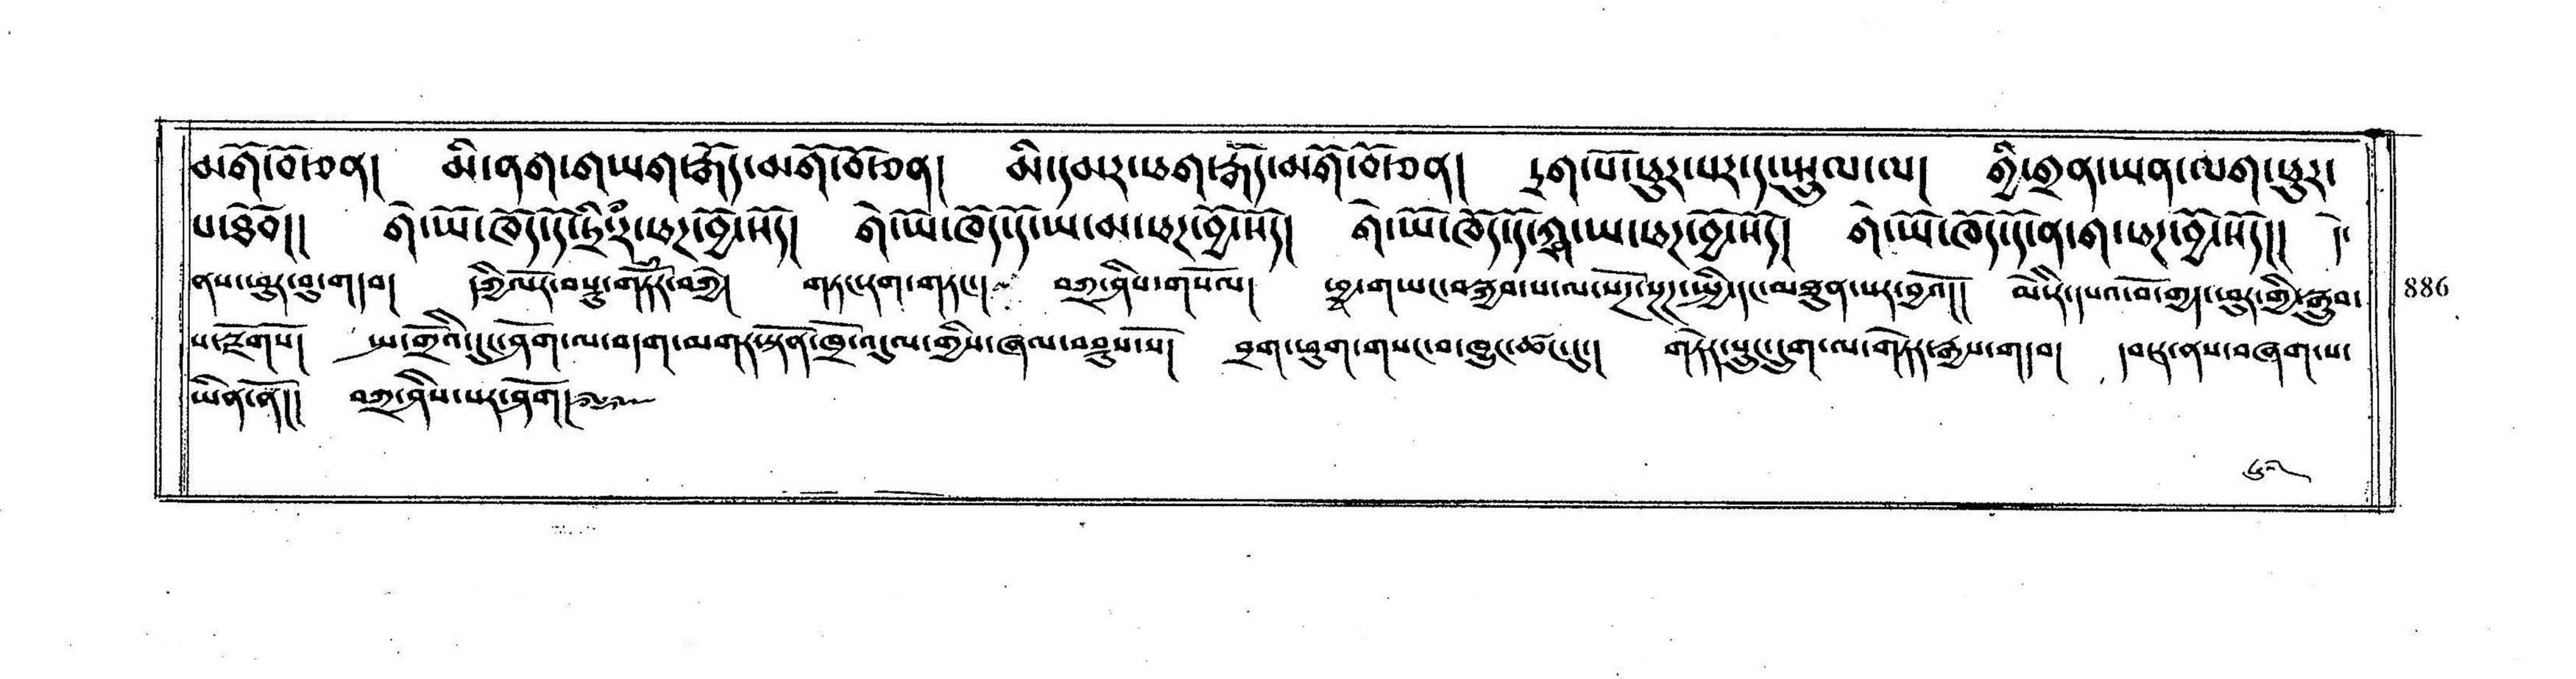མགོ་བོ་ཅན། མི་ནག་གཡག་རྒོད་མགོ་བོ་ཅན། མི་དམར་ཕག་རྒོད་མགོ་བོ་ཅན། དྲག་པོ་ཕུར་པར་ད་སྤྲུལ་ལ། གྱི་གྲན་ཡན་ལག་ཕུར་
པ་ཐོབ།། གེ་ཡོ་ཁོད་དོ་ཏྲི་རཾ་ཕཊ་བྱོ་སོད། གེ་ཡོ་ཁོད་དོ་ཡ་མ་ཕཊ་བྱོ་སོད། གེ་ཡོ་ཁོད་དོ་ཀྴ་ཡ་ཕཊ་བྱོ་སོད། གེ་ཡོ་ཁོད་དོ་ན་ག་ཕཊ་བྱོ་སོད།། དེ་
ནས་ཕུར་བུ་གདབ། དཀྱིལ་འཁོར་བསྡུ་གཏོར་མ་བཀྱེ། གཏང་རག་གཏང་། བཀྲ་ཤིས་གསོལ། ཕྱྭ་གཡང་བསྐྱབ་པ་ལ་སོགས་སྔགས་སྤྱི་དང་མཐུན་པར་བྱའོ།། མེ་རི་དཔའ་བོ་གྱད་ཕུར་གྱི་སྒྲུབ་
པ་རྫོགས་སོ། སྤ་གྲོའི་དུང་ཤོག་ལ་བདག་མགར་སྟོན་ཁྲོ་འདུལ་གྱིས་ཞལ་བཤུས་སོ། བྲག་ཕུག་གསང་བ་ཁྱུང་ཚང་དུ། གཏེར་སྲུང་དྲུག་ལ་གཏེར་རྒྱས་གདབ། །དབང་བསྐུར་ནས་བཞག་པ་
ཡིན་ནོ།། བཀྲ་ཤིས་པར་ཤོག །